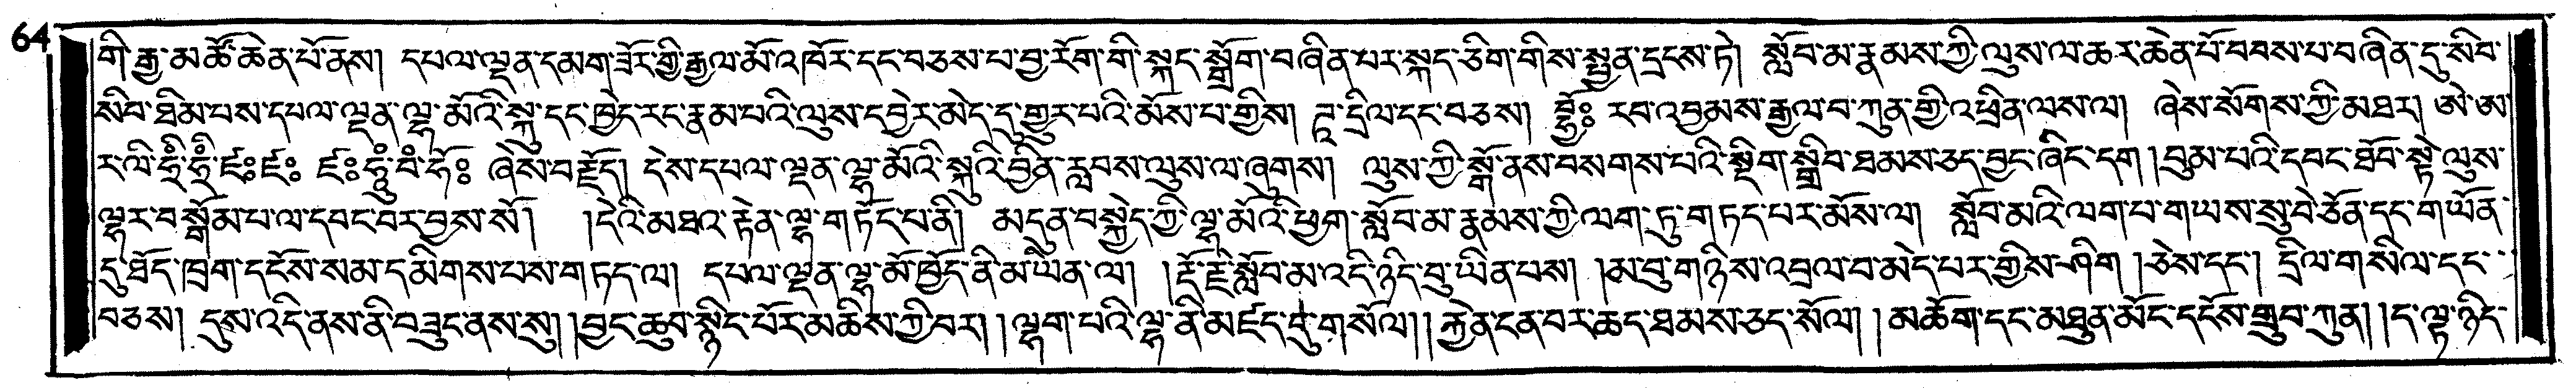གི་རྒྱ་མཚོ་ཆེན་པོ་ནས། དཔལ་ལྡན་དམག་ཟོར་གྱི་རྒྱལ་མོ་འཁོར་དང་བཅས་པ་བྱ་རོག་གི་སྐད་སྒྲོག་བཞིན་པར་སྐད་ཅིག་གིས་སྤྱན་དྲངས་ཏེ། སློབ་མ་རྣམས་ཀྱི་ལུས་ལ་ཆར་ཆེན་པོ་བབས་པ་བཞིན་དུ་སིབ་
སིབ་ཐིམ་པས་དཔལ་ལྡན་ལྷ་མོའི་སྐུ་དང་ཁྱེད་རང་རྣམ་པའི་ལུས་དབྱེར་མེད་དུ་གྱུར་པའི་མོས་པ་གྱིས། ཌཱ་དྲིལ་དང་བཅས། བྷྱོཿ རབ་འབྱམས་རྒྱལ་བ་ཀུན་གྱི་འཕྲིན་ལས་ལ། ཞེས་སོགས་ཀྱི་མཐར། ཨེ་ཨ་
ར་ལི་ཧྲིཾ་ཧྲིཾ་ཛཿ ཛཿ ཛཿ ཧཱུཾ་བཾ་ཧོཿ ཞེས་བརྗོད། དེས་དཔལ་ལྡན་ལྷ་མོའི་སྐུའི་བྱིན་རླབས་ལུས་ལ་ཞུགས། ལུས་ཀྱི་སྒོ་ནས་བསགས་པའི་སྡིག་སྒྲིབ་ཐམས་ཅད་བྱང་ཞིང་དག །བུམ་པའི་དབང་ཐོབ་སྟེ་ལུས་
ལྷར་བསྒོམ་པ་ལ་དབང་བར་བྱས་སོ། །དེའི་མཐའ་རྟེན་ལྷ་གཏོད་པ་ནི། མདུན་བསྐྱེད་ཀྱི་ལྷ་མོའི་ཕྱག་སློབ་མ་རྣམས་ཀྱི་ལག་ཏུ་གཏད་པར་མོས་ལ། སློབ་མའི་ལག་པ་གཡས་སུ་བེ་ཅོན་དང་གཡོན་
དུ་ཐོད་ཁྲག་དངོས་སམ་དམིགས་པས་གཏད་ལ། དཔལ་ལྡན་ལྷ་མོ་ཁྱོད་ནི་མ་ཡིན་ལ། རྡོ་རྗེ་སློབ་མ་འདི་ཉིད་བུ་ཡིན་པས། །མ་བུ་གཉིས་འབྲལ་བ་མེད་པར་གྱིས་ཤིག །ཅེས་དང་། དྲིལ་གསིལ་དང་
བཅས། དུས་འདི་ནས་ནི་བཟུང་ནས་སུ། །བྱང་ཆུབ་སྙིང་པོར་མཆིས་ཀྱི་བར། །ལྷག་པའི་ལྷ་ནི་མཛད་དུ་གསོལ། །རྐྱེན་ངན་བར་ཆད་ཐམས་ཅད་སོལ། །མཆོག་དང་མཐུན་མོང་དངོས་གྲུབ་ཀུན། །ད་ལྟ་ཉིད་